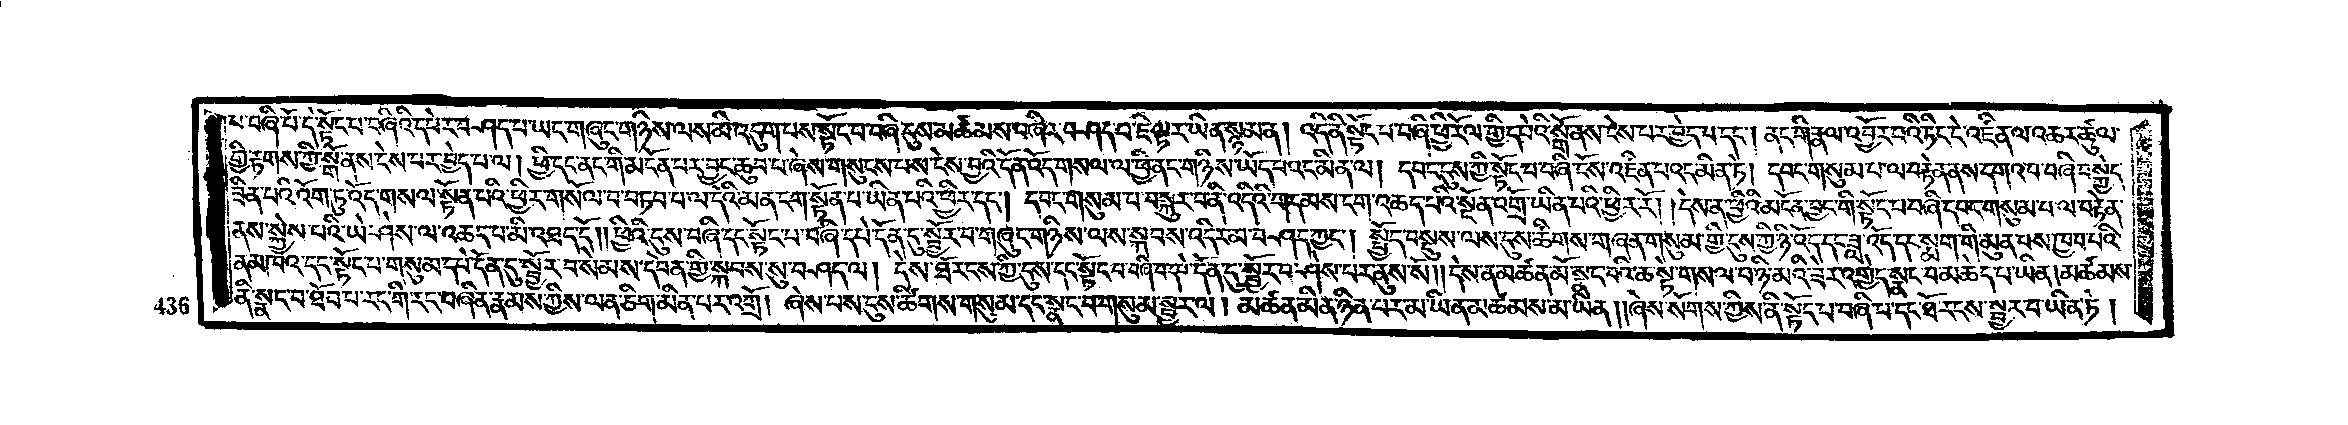པ་བཞི་པོ་དེ་སྟོང་པ་བཞིའི་དཔེར་བཤད་པ་ཡང་གཞུང་གཉིས་ལས་མི་འདུག་པས་སྟོང་པ་བཞི་དུས་མཚམས་བཞིར་བཤད་པ་ཇི་ལྟར་ཡིན་སྙམ་ན། འདི་ནི་སྟོང་པ་བཞི་ཕྱི་རོལ་གྱི་དཔེའི་སྒོ་ནས་ངེས་པར་བྱེད་པ་དང་། ནང་གི་རྣལ་འབྱོར་པའི་ཏིང་ངེ་འཛིན་ལ་འཆར་ཚུལ་
གྱི་རྟགས་ཀྱི་སྒོ་ནས་ངེས་པར་བྱེད་པ་ལ། ཕྱི་དང་ནང་གི་མངོན་པར་བྱང་ཆུབ་པ་ཞེས་གསུངས་པས་ངེས་བྱའི་དོན་འོད་གསལ་ལ་ཕྱི་ནང་གཉིས་ཡོད་པའང་མིན་ལ། དབང་དུས་ཀྱི་སྟོང་པ་བཞི་ངོས་འཛིན་པའང་མིན་ཏེ། དབང་གསུམ་པ་ལ་བརྟེན་ནས་དགའ་བ་བཞི་བསྐྱེད་
ཟིན་པའི་འོག་ཏུ་འོད་གསལ་སྟོན་པའི་ཕྱིར་གསོལ་བ་བཏབ་པ་ལ་དེའི་མན་ངག་སྟོན་པ་ཡིན་པའི་ཕྱིར་དང་། དབང་གསུམ་པ་བསྐུར་བ་ནི་འདིའི་གདམས་ངག་འཆད་པའི་སྔོན་འགྲོ་ཡིན་པའི་ཕྱིར་རོ། །དེས་ན་ཕྱིའི་མངོན་བྱང་གི་སྟོང་པ་བཞི་དབང་གསུམ་པ་ལ་བརྟེན་
ནས་སྐྱེས་པའི་ཡེ་ཤེས་ལ་འཆད་པ་མི་འཐད་དོ། །ཕྱིའི་དུས་བཞི་དང་སྟོང་པ་བཞི་དཔེ་དོན་དུ་སྦྱོར་བ་གཞུང་གཉིས་ལས་སྐབས་འདིར་མ་བཤད་ཀྱང་། སྤྱོད་བསྡུས་ལས་དུས་ཚིགས་གཞན་གསུམ་གྱི་དུས་ཀྱི་ཉི་འོད་དང་ཟླ་འོད་དང་སྨག་གི་མུན་པས་ཁྱབ་པའི་
ནམ་མཁའ་དང་སྟོང་པ་གསུམ་དཔེ་དོན་དུ་སྦྱོར་བ་སེམས་དབེན་གྱི་སྐབས་སུ་བཤད་ལ། དེས་ཐོ་རངས་ཀྱི་དུས་དང་སྟོང་པ་བཞི་པ་དཔེ་དོན་དུ་སྦྱོར་བ་ཤེས་པར་ནུས་སོ། །དེས་ན་མཚན་མོ་སྣང་བའི་ཆ་སྟེ་གསལ་བ་ཉི་མའི་ཟེར་འགྱེད་སྣང་བ་མཆེད་པ་ཡིན། མཚམས་
ནི་སྣང་བ་ཐོབ་པ་རང་གི་རང་བཞིན་རྣམས་ཀྱིས་ལན་ཅིག་མིན་པར་འགྲོ། ཞེས་པས་དུས་ཚིགས་གསུམ་དང་སྣང་བ་གསུམ་སྦྱར་ལ། མཚན་མིན་ཉིན་པར་མ་ཡིན་མཚམས་མ་ཡིན། །ཞེས་སོགས་ཀྱིས་ནི་སྟོང་པ་བཞི་པ་དང་ཐོ་རངས་སྦྱར་བ་ཡིན་ཏེ།